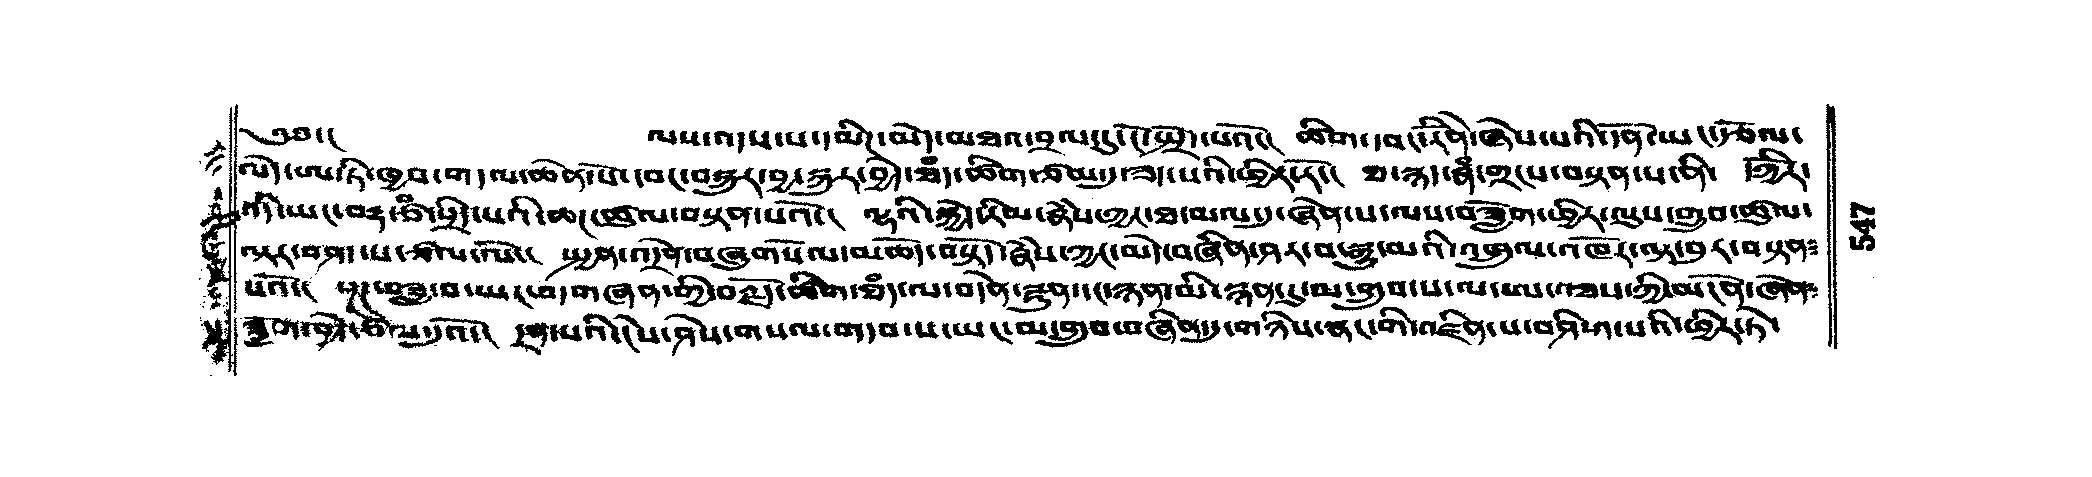ལས་འདས་པ་དམིགས་མེད་མཐའ་བྲལ་དུ་ངོ་སྤྲོད་པའོ། ཚིག་དབང་རིན་པོ་ཆེ་ཞེས་པའི་དོན་ཡང་རྩོལ་
མེད་ཨ་ཏི་ཁྱབ་གདལ་ཆེན་པོ་དབང་བསྐུར་བྱ་སྐུར་བྱེད་ཐམས་ཅད་ཚིག་ཙམ་དུ་ཟད་པའི་ཕྱིར་རོ། ཐ་སྙད་རྣམ་གྲངས་བསྟན་པ་ནི། དཀྱིལ་འཁོར་
འདི་ཡང་བརྡ་ཙམ་སྲིད་པའི་ཆགས་ཚུལ་བསྟན་པའོ། ལྷའི་བསྐྱེད་རིམ་རྣམས་ཀྱང་ཐ་མལ་དུ་ཞེན་པ་ལས་བཟློག་ཕྱིར་ལུས་གྲུབ་ཚུལ་
ལྟར་བཤད་པ་ཙམ་མོ། སྤྱན་འདྲེན་བཞུགས་གསོལ་མཆོད་བསྟོད་རྣམས་ཀྱང་མེད་བཞིན་ཤར་བ་སྒྱུ་མའི་འཁྲུལ་འཁོར་ལྟ་བུར་བསྟན་
པའོ། སྔགས་བཟླ་བ་ཡང་བདག་གཞན་གྱི་བརྗོད་ཚིག་ཐམས་ཅད་ལ་བདེན་རྫུན་དང་སྙན་མི་སྙན་དུ་མ་གྲུབ་པ་ལ་ཨ་འཐས་ཀྱི་མངོན་ཞེན་
ཟློག་བྱེད་ཙམ་དུའོ། དྲན་པའི་ངེས་ཤེས་གསལ་གདབ་པ་ཡང་མ་གྲུབ་བཞིན་དུ་གཉིས་སྣང་གི་འཛིན་པ་བཤིག་པའི་ཕྱིར་ཏེ།